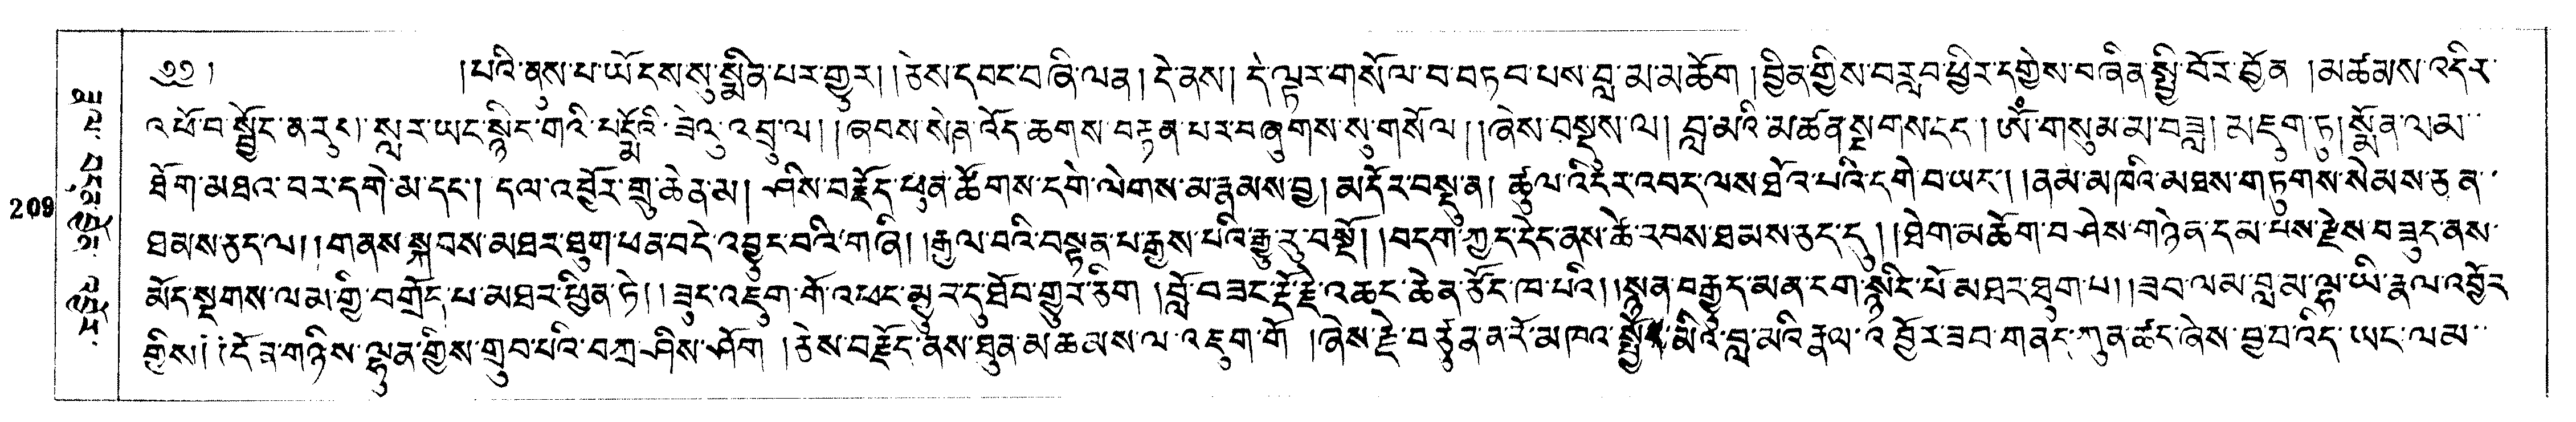༄༅། །པའི་ནུས་པ་ཡོངས་སུ་སྨིན་པར་གྱུར། །ཅེས་དབང་བཞི་ལེན། དེ་ནས། དེ་ལྟར་གསོལ་བ་བཏབ་པས་བླ་མ་མཆོག །བྱིན་གྱིས་བརླབ་ཕྱིར་དགྱེས་བཞིན་སྤྱི་བོར་བྱོན། །མཚམས་འདིར་
འཕོ་བ་སྦྱོང་ན་རུང་། སླར་ཡང་སྙིང་གའི་པདམོའི་ཟེའུ་འབྲུ་ལ། །ཞབས་སེན་འོད་ཆགས་བརྟན་པར་བཞུགས་སུ་གསོལ། །ཞེས་བསྡུས་ལ། བླ་མའི་མཚན་སྔགས་དང་། ཨོཾ་གསུམ་མ་བཟླ། མཇུག་ཏུ། སྨོན་ལམ་
ཐོག་མཐའ་བར་དགེ་མ་དང་། དལ་འབྱོར་གྲུ་ཆེན་མ། ཤིས་བརྗོད་ཕུན་ཚོགས་དགེ་ལེགས་མ་རྣམས་བྱ། མདོར་བསྡུ་ན། ཚུལ་འདིར་འབད་ལས་ཐོབ་པའི་དགེ་བ་ཡང་། །ནམ་མཁའི་མཐས་གཏུགས་སེམས་ཅན་
ཐམས་ཅད་ལ། །གནས་སྐབས་མཐར་ཐུག་ཕན་བདེ་འབྱུང་བའི་གཞི། །རྒྱལ་བའི་བསྟན་པ་རྒྱས་པའི་རྒྱུ་རུ་བསྔོ། །བདག་ཀྱང་དེང་ནས་ཚེ་རབས་ཐམས་ཅད་དུ། །ཐེག་མཆོག་བཤེས་གཉེན་དམ་པས་རྗེས་བཟུང་ནས། །
མདོ་སྔགས་ལམ་གྱི་བགྲོད་པ་མཐར་ཕྱིན་ཏེ། །ཟུང་འཇུག་གོ་འཕང་མྱུར་དུ་ཐོབ་གྱུར་ཅིག །བློ་བཟང་རྡོ་རྗེ་འཆང་ཆེན་ཙོང་ཁ་པའི། །སྙན་བརྒྱུད་མན་ངག་སྙིང་པོ་མཐར་ཐུག་པ། །ཟབ་ལམ་བླ་མ་ལྷ་ཡི་རྣལ་འབྱོར་
གྱིས༑ ༑དོན་གཉིས་ལྷུན་གྱིས་གྲུབ་པའི་བཀྲ་ཤིས་ཤོག །ཅེས་བརྗོད་ནས་ཐུན་མཚམས་ལ་འཇུག་གོ །ཞེས་རྗེ་བཙུན་ནཱ་རོ་མཁའ་སྤྱོད་མའི་བླ་མའི་རྣལ་འབྱོར་ཟབ་གནད་ཀུན་ཚང་ཞེས་བྱ་བ་འདི་ཡང་ལམ་